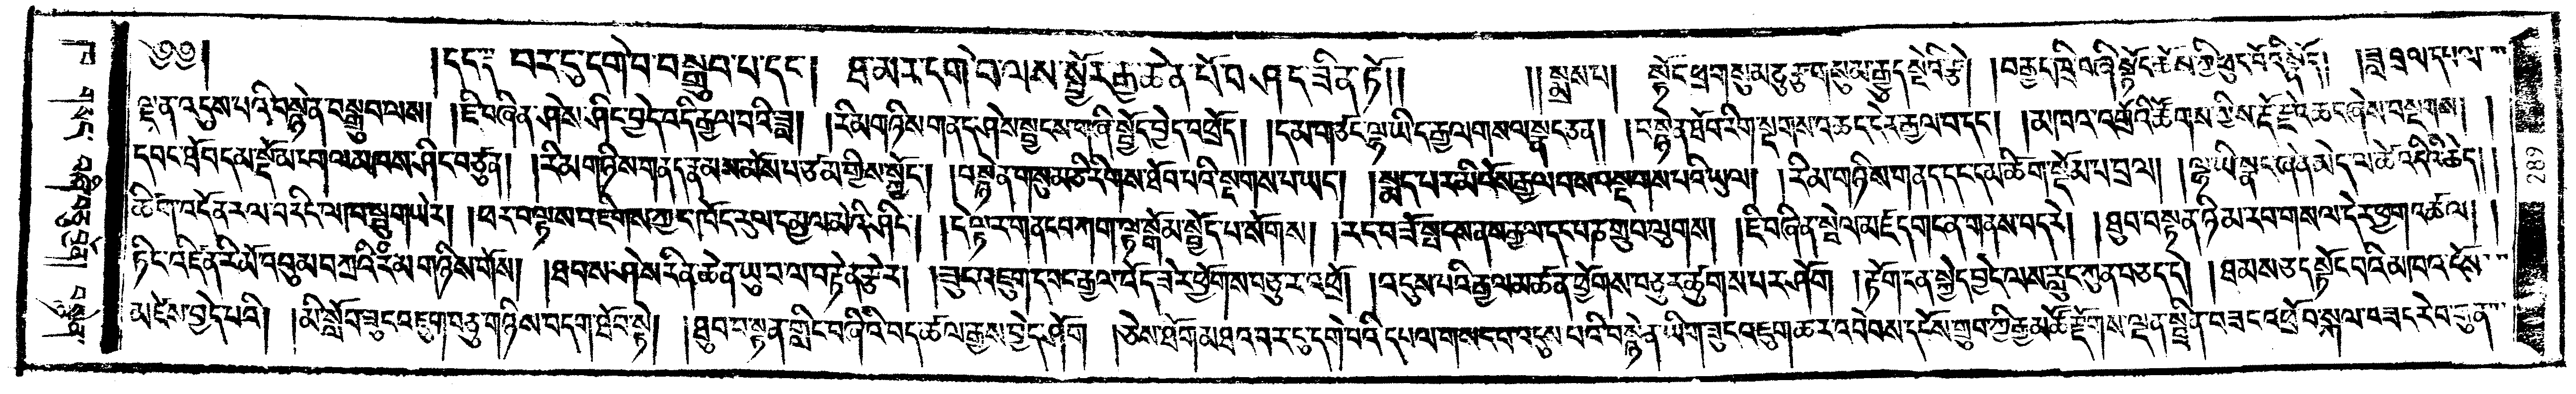༄༅། །དང༑ བར་དུ་དགེ་བ་བསྒྲུབ་པ་དང་། ཐ་མར་དགེ་བ་ལས་སྦྱོར་རྒྱ་ཆེན་པོ་བཤད་ཟིན་ཏོ།། །།སྨྲས་པ། སྟོང་ཕྲག་སུམ་ཅུ་རྩ་གསུམ་རྒྱུད་སྡེའི་རྩེ། །བརྒྱད་ཁྲི་བཞི་སྟོང་ཆོས་ཀྱི་ཕུང་པོའི་སྣོད། །ཟླ་བྲལ་དཔལ་
ལྡན་འདུས་པའི་བསྙེན་བསྒྲུབ་ལས། །ཇི་བཞིན་ཤེས་ཤིང་བྱེད་འདི་རྒྱལ་བའི་ཟླ། །རིམ་གཉིས་གནད་ཤེས་སྦྱངས་གཞི་སྦྱོང་བྱེད་འཕྲོད། །དམ་གཙང་ལྷ་ཡི་ང་རྒྱལ་གསལ་སྣང་ཅན། །བསྙེན་ཐོབ་རིག་སྔགས་འཆང་དེར་རྒྱལ་བ་དང་། །མཁའ་འགྲོའི་ཚོགས་ཀྱིས་རྡོ་རྗེ་འཆང་ཞེས་བསྔགས། །
དབང་ཐོབ་དམ་སྡོམ་ངག་ལ་མཁས་ཤིང་བཙུན། །རིམ་གཉིས་གནད་རྣམས་མོས་པ་ཙམ་གྱིས་སྐྱོད། །བསྙེན་གསུམ་ཅི་རིགས་ཐོབ་པའི་སྔགས་པ་ཡང་། །སྨད་པར་མི་འོས་རྒྱལ་བས་བསྔགས་པའི་ཡུལ། །རིམ་གཉིས་གནད་དང་དམ་ཚིག་སྡོམ་པ་བྲལ། །ལྷ་ཡི་སྣང་ཞེན་མེད་ལ་ཚེ་འདིའི་ཆེད།།
ཚིག་འདོན་རལ་བ་རིང་ལ་ཁ་སྤུ་གཡེར། །ཕར་བལྟས་འཇིགས་ཀྱང་ཁོང་རུལ་དམྱལ་མེའི་ཤིང་། །དེ་ལྟར་གནང་བཀག་ལྟ་སྒོམ་སྤྱོད་པ་སོགས། །རང་བཟོ་སྤངས་ནས་རྒྱལ་དང་པཎ་གྲུབ་ལུགས། །ཇི་བཞིན་སྤེལ་མཛད་གང་ན་གནས་བ་དེར། །ཐུབ་བསྟན་ཉི་མ་རབ་གསལ་དེར་ཕྱག་འཚལ། །
ཏིང་འཛིན་རི་མོ་འབུམ་བཀྲའི་རིམ་གཉིས་གོས། །ཐབས་ཤེས་རིན་ཆེན་ཡུ་བ་ལ་བརྟེན་རྩེར། །ཟུང་འཇུག་དབང་རྒྱལ་འོད་ཟེར་ཕྱོགས་བཅུར་འཕྲོ། །འདུས་པའི་རྒྱལ་མཚན་ཕྱོགས་བཅུར་ཚུགས་པར་ཤོག །རྟོག་ངན་སྐྱེད་བྱེད་ལས་རླུང་ཀུན་བཅད་དེ། །ཐམས་ཅད་སྟོང་བའི་མཁའ་ངོས་
མཛེས་བྱེད་པའི། །མི་སློབ་ཟུང་འཇུག་བཅུ་གཉིས་བདག་ཐོབ་སྟེ། །ཐུབ་བསྟན་གླིང་བཞིའི་བད་ཚལ་རྒྱས་བྱེད་ཤོག །ཅེས་ཐོག་མཐའ་བར་དུ་དགེ་བའི་དཔལ་གསང་བ་འདུས་པའི་བསྙེན་ཡིག་ཟུང་འཇུག་ཆར་འབེབས་དངོས་གྲུབ་ཀྱི་རྒྱ་མཚོ་རྫོགས་ལྡན་སྤྲིན་བཟང་འཕྲོ་བ་སྐལ་བཟང་རེ་བ་གུན་